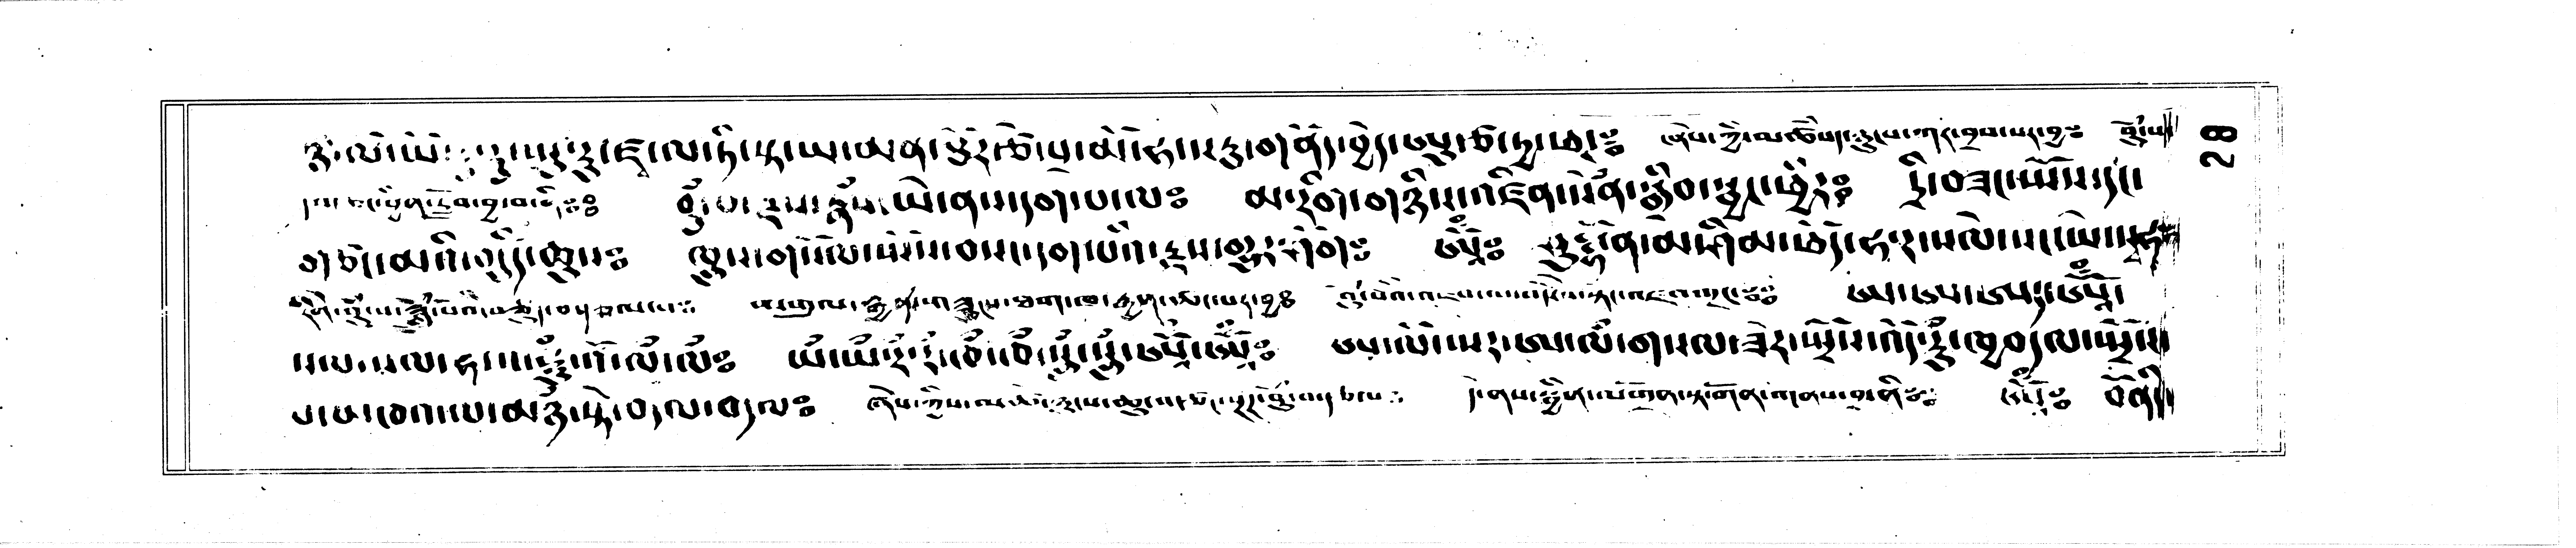ཉེ་ལོ་ཡོ་རུ་རུ་སྤུ་རུ་ཛྭ་ལ་ཏི་སྟ་ཡ་མན་ཐོར་ཙེ་པྲ་མོ་ཧ་སརྦ་གནོད་བྱེད་ཨུ་ཙ་ཏྱ་ཕཊཿ ཞེས་ཀྱི་མཚམས་བཅད་ཉུང་དཀར་བྲབ་པར་བྱཿ བུམ་པའི་
དབང་དང་བྱིན་རླབས་བྱ་བ་ནིཿ བུམ་པ་རྫས་རྣམས་ཡེ་ནས་དག་པ་ལཿ མ་རིག་གཉིས་འཛིན་སེམས་ཅན་སྒྲིབ་སྦྱང་ཕྱིརཿ དྲི་བཟང་སྤོས་དང་
གཙང་མའི་བདུད་རྩི་ཆུསཿ ཁྲུས་བསང་སྤོས་བསང་དག་པའི་རྫས་གྱུར་ཤོགཿ ཨཱོྃ་ཤུདྷོ་ན་མ་ཤིམ་ཕོད་ཧ་ར་སལེ་སངའ་ངེ་ཡེ་སྭཱཧཱཿ 
རིན་ཆེན་བུམ་པ་ཟླུམ་པོའི་བཅུད་བརྩལ་བཿ འགུལ་རྒྱན་གཟུང་ཐག་ཀ་རྒྱན་ཚང་བར་བྱཿ བུམ་པའི་འཛབ་ལ་བདེར་གཤེགས་སྟོང་འཛབ་སྔགསཿ ཨ་ཨཱ་ཨད་ཨཱོྃ་
སལ་སལ་ཧ་འ་ཧཱུྂ་འོ་ལྃ་ལྃཿ ཡྃ་ཡྃ་རྃ་རྃ་ཁྃ་ཁྃ་སྲུྃ་སྲུྃ་ཨཱོྃ་ཨཱོྃཿ ཨ་ལོ་སྤར་ཨ་ལམ་གསལཿ ཟེར་སྤྲོས་འོད་རུམ་ཁྱབ་བདག་སྤྲོས་
པ་མཁའ་ལ་མཉམ་སྟེ་བདལ་བདལཿ ཞེས་ཀྱིས་མཚེ་ཉུངས་ཆུ་གཙང་སྔགསཿ བུམ་པར་བརྩལཿ དེ་ནས་སྦྱིན་མགྲོན་སྟ་གོན་འདགས་བྱ་ནིཿ ཨཱོྃཿ བོན་ཉིད་